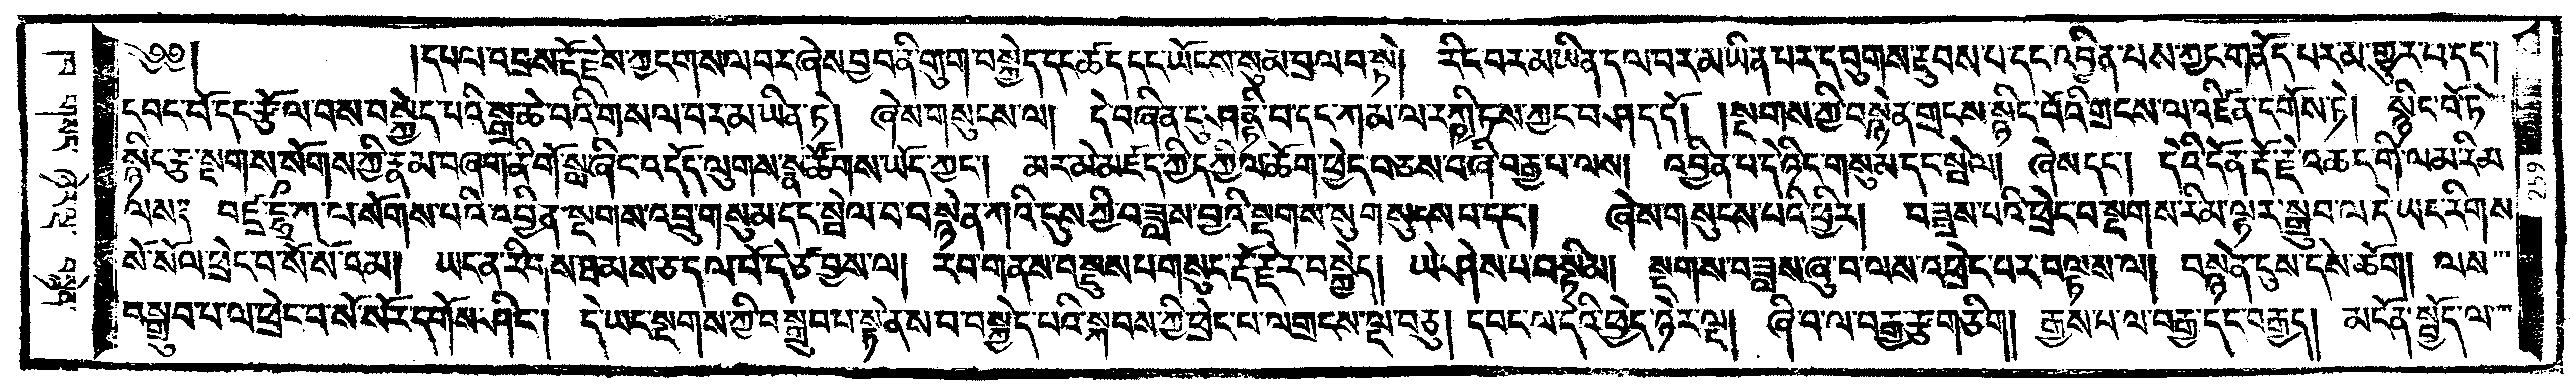༄༅། །དཔལ་འབྲས་རྡོ་རྗེས་ཀྱང་གསལ་བར་ཞེས་བྱ་བ་ནི་གུག་བསྐྱེད་དང་ཚད་དང་ཡོངས་སུ་མ་བྲལ་བ་སྟེ། རིང་བར་མ་ཡིན་དལ་བར་མ་ཡིན་པར་དབུགས་རྡུབས་པ་དང་འབྱིན་པས་ཀྱང་གནོད་པར་མ་གྱུར་པ་དང་།
དབང་པོ་དང་རྩོལ་བས་བསྐྱེད་པའི་སྒྲ་ཆེ་བའི་གསལ་བར་མ་ཡིན་ཏེ། ཞེས་གསུངས་ལ། དེ་བཞིན་དུ་ཤནྟི་བ་དང་ཀམ་ལ་རཀྵི་ཏས་ཀྱང་བཤད་དོ། །སྔགས་ཀྱི་བསྙེན་གྲངས་སྙིང་པོའི་གྲངས་ལ་འཛིན་དགོས་ཏེ། སྙིང་བོ་ཏེ་
སྙིང་རྩ་སྔགས་སོགས་ཀྱི་རྣམ་བཞག་ནི་གོ་སླ་ཞིང་འདོད་ལུགས་སྣ་ཚོགས་ཡོད་ཀྱང་། མར་མེ་མཛད་ཀྱི་དཀྱིལ་ཆོག་ཕྱེད་བཅས་བཞི་བརྒྱ་པ་ལས། འབྱིན་པ་དེ་ཉིད་གསུམ་དང་སྦེལ། ཞེས་དང་། དེའི་དོན་རྡོ་རྗེ་འཆང་གི་ལམ་རིམ་
ལས༑ བཛྲ་དྷྲྀ་ཀ་པ་སོགས་པའི་འབྱིན་སྔགས་འབྲུ་གསུམ་དང་སྦེལ་བ་བསྙེན་ཀའི་དུས་ཀྱི་བཟླས་བྱའི་སྔགས་སུ་གསུངས་པ་དང་། ཞེས་གསུངས་པའི་ཕྱིར། བཟླས་པའི་ཕྲེང་བ་སྔགས་རིམ་ལྟར་སྒྲུབ་ལ་དེ་ཡང་རིགས་
སོ་སོ་ལ་ཕྲེང་བ་སོ་སོ་འམ། ཡང་ན་རིགས་ཐམས་ཅད་ལ་བོ་དེ་ཙ་བྱས་ལ། རབ་གནས་བསྡུས་པ་གསུང་རྡོ་རྗེར་བསྐྱེད། ཡེ་ཤེས་པ་བསྟིམ། སྔགས་བཟླས་ཞུ་བ་ལས་འཕྲེང་བར་བལྟས་ལ། བསྙེན་དུས་དེས་ཆོག། ལས་
བསྒྲུབ་པ་ལ་ཕྲེང་བ་སོ་སོར་དགོས་ཤིང་། དེ་ཡང་སྔགས་ཀྱི་བསྒྲུབ་པ་སྟེ་ནས་པ་བསྐྱེད་པའི་སྐབས་ཀྱི་ཕྲེང་བ་ལ་གྲངས་ལྔ་བཅུ། དབང་ལ་དེའི་ཕྱེད་ཉེར་ལྔ། ཞི་བ་ལ་བརྒྱ་རྩ་གཅིག། རྒྱས་པ་ལ་བརྒྱ་དང་བརྒྱད། མངོན་སྤྱོད་ལ་